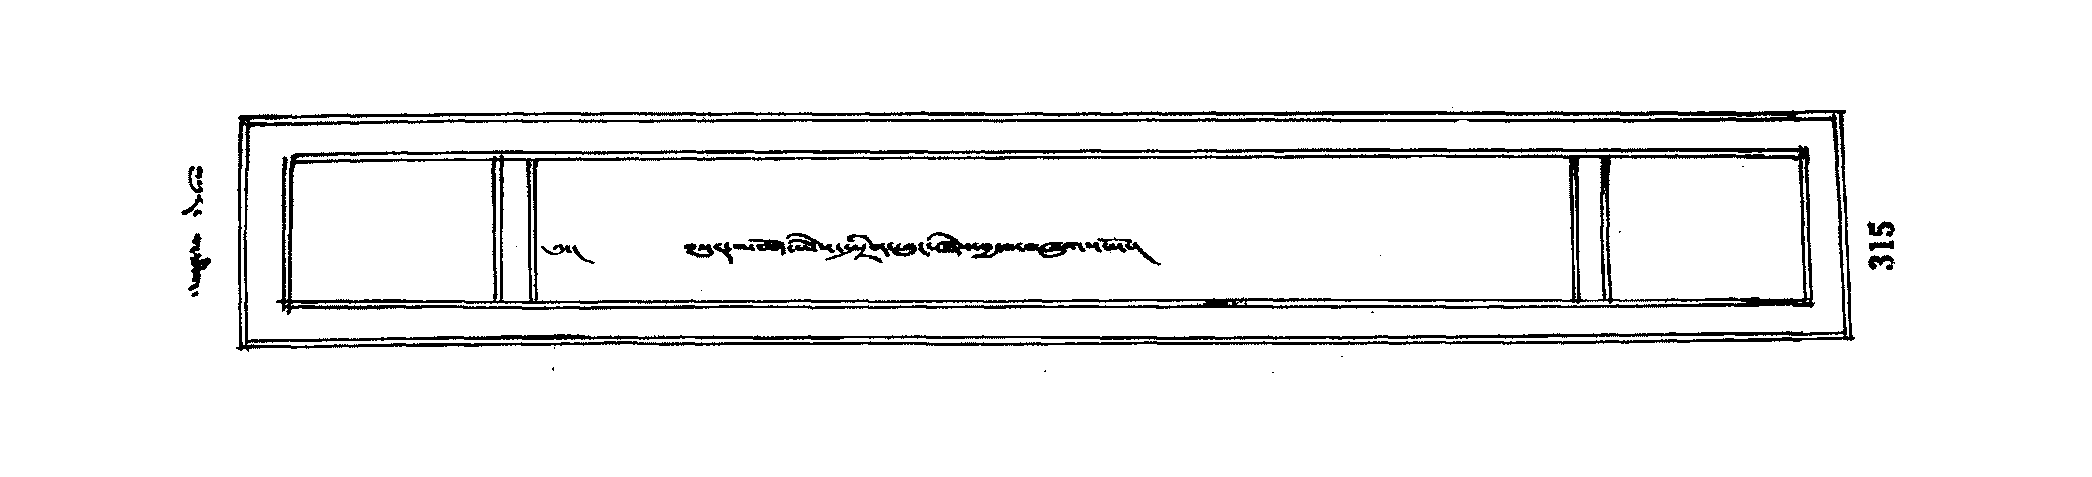༄༅། བསུར་མཆོད་ཡེ་ཤེས་སྤྲིང་ཕུང་བཞུགས་སོ།